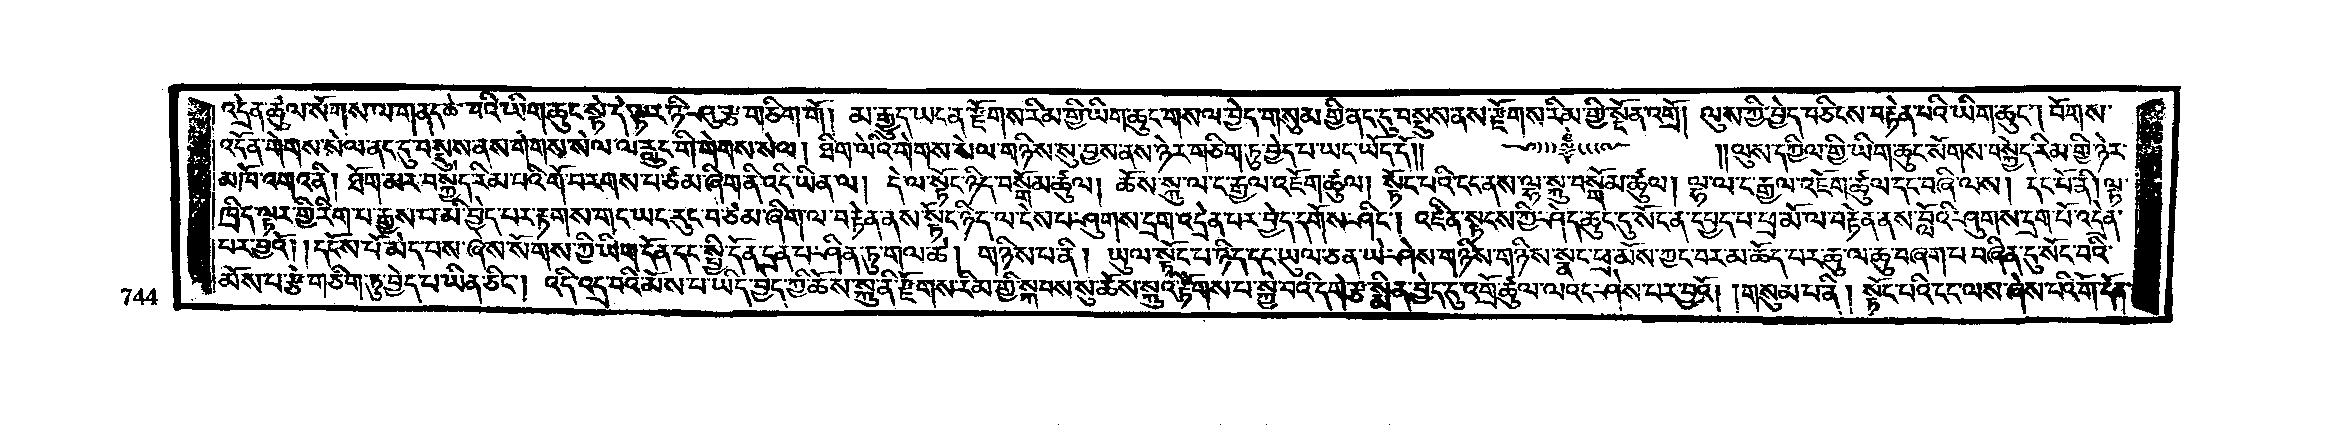འདྲེན་ཚུལ་སོགས་ལ་གནད་ཆེ་བའི་ཡིག་ཆུང་སྟེ་དེ་ལྟར་ཉི་ཤུ་རྩ་གཅིག་གོ །མ་རྒྱུད་ཡང་ན་རྫོགས་རིམ་གྱི་ཡིག་ཆུང་གསལ་བྱེད་གསུམ་གྱི་ནང་དུ་བསྡུས་ནས་རྫོགས་རིམ་གྱི་སྔོན་འགྲོ། ལུས་ཀྱི་བྱེད་བཅིངས་བརྟེན་པའི་ཡིག་ཆུང་། བོགས་
འདོན་གེགས་སེལ་ནང་དུ་བསྡུས་ནས་གེགས་སེལ་ལ་རླུང་གི་གེགས་སེལ། ཐིག་ལེའི་གེགས་སེལ་གཉིས་སུ་བྱས་ནས་ཉེར་གཅིག་ཏུ་བྱེད་པ་ཡང་ཡོད་དོ།། ༈ །།ལུས་དཀྱིལ་གྱི་ཡིག་ཆུང་སོགས་བསྐྱེད་རིམ་གྱི་ཉེར་
མཁོ་འགའ་ནི། ཐོག་མར་བསྐྱེད་རིམ་པའི་གོ་བ་རགས་པ་ཙམ་ཞིག་ནི་འདི་ཡིན་ལ། དེ་ལ་སྟོང་ཉིད་བསྒོམ་ཚུལ། ཆོས་སྐུ་ལ་ང་རྒྱལ་འཇོག་ཚུལ། སྟོང་པའི་ངང་ནས་ལྷ་སྐུ་བསྒོམ་ཚུལ། ལྷ་ལ་ང་རྒྱལ་འཇོག་ཚུལ་དང་བཞི་ལས། དང་པོ་ནི། ལྟ་
ཁྲིད་ལྟར་གྱི་རིག་པ་རྒྱས་པ་མི་བྱེད་པར་རྟགས་གང་ཡང་རུང་བ་ཙམ་ཞིག་ལ་བརྟེན་ནས་སྟོང་ཉིད་ལ་ངེས་པ་ཤུགས་དྲག་འདྲེན་པར་བྱེད་དགོས་ཤིང་། འཛིན་སྟངས་ཀྱི་ཤེད་ཆུང་ངུ་སོང་ན་དཔྱད་པ་ཕྲ་མོ་ལ་བརྟེན་ནས་བློའི་ཤུགས་དྲག་པོ་འདྲེན་
པར་བྱའོ། །དངོས་པོ་མེད་པས་ཞེས་སོགས་ཀྱི་ཡིག་དོན་དང་སྤྱི་དོན་དྲན་པ་ཤིན་ཏུ་གལ་ཆེ། གཉིས་པ་ནི། ཡུལ་སྟོང་པ་ཉིད་དང་ཡུལ་ཅན་ཡེ་ཤེས་གཉིས་གཉིས་སྣང་ཕྲ་མོས་ཀྱང་བར་མ་ཆོད་པར་ཆུ་ལ་ཆུ་བཞག་པ་བཞིན་དུ་སོང་བའི་
མོས་པ་རྩེ་གཅིག་ཏུ་བྱེད་པ་ཡིན་ཅིང་། འདི་འདྲ་བའི་མོས་པ་ཡིད་བྱེད་ཀྱི་ཆོས་སྐུ་ནི་རྫོགས་རིམ་གྱི་སྐབས་སུ་ཆོས་སྐུའི་རྟོགས་པ་སྐྱེ་བའི་དགེ་རྩ་སྨིན་བྱེད་དུ་འགྲོ་ཚུལ་ལའང་ཤེས་པར་བྱའོ། །གསུམ་པ་ནི། སྟོང་པའི་ངང་ལས་ཞེས་པའི་གོ་དོནེ་